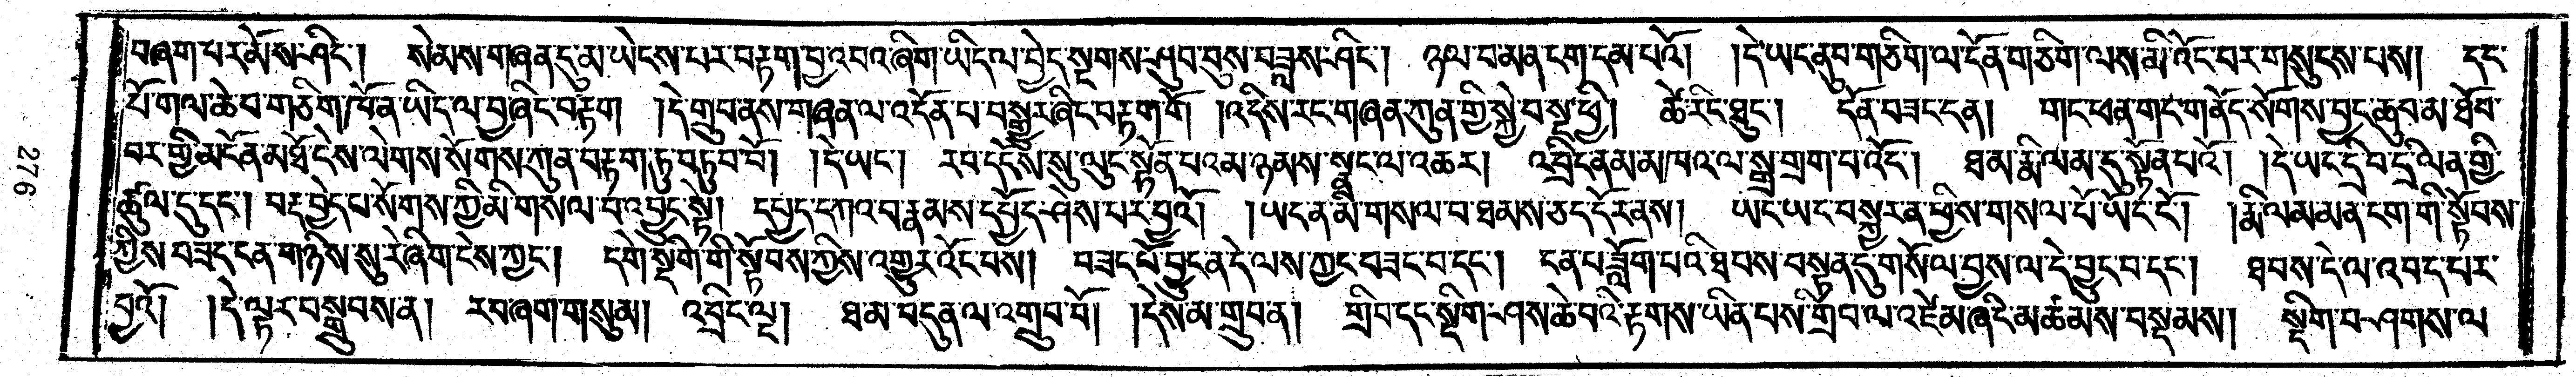བཞག་པར་མོས་ཤིང་། སེམས་གཞན་དུ་མ་ཡེངས་པར་བརྟག་བྱ་འབའ་ཞིག་ཡིད་ལ་བྱེད་སྔས་ཤུབ་བུས་བཟླས་ཤིང་། ཉལ་བ་མན་ངག་དམ་པའོ། །དེ་ཡང་ནུབ་ཅིག་ལ་དོན་གཅིག་ལས་མི་འོད་བར་གསུང་པས། དང་
པོ་གལ་ཆེ་བ་གཅིག་ཁོ་ན་ཡིད་ལ་བྱ་ཞིང་བརྟག །དེ་གྲུབ་ནས་གཞན་ལ་འདོན་པ་བསྒྱུར་ཞིང་བརྟག་གོ །འདིས་རང་གཞན་ཀུན་གྱི་སྐྱེ་བ་སྔ་ཕྱི། ཚེ་རིང་ཐུང་། དོན་བཟང་དན། གང་ཕན་གང་གནོད་སོགས་བྱང་ཆུབ་མ་ཐོབ་
བར་གྱི་མངོན་མཐོ་ངེས་ལེགས་སོགས་ཀུན་བརྟག་ཏུ་བཏུབ་བོ། །དེ་ཡང་། རབ་དངོས་སུ་ལུང་སྟོན་པའམ་ཉམས་སྣང་ལ་འཆར། འབྲིང་ནམ་མཁའ་ལ་སྒྲ་གྲག་པ་འོད། ཐ་མ་རྨི་ལམ་དུ་སྟོན་པའོ། །དེ་ཡང་དྲི་བ་དྲི་ལན་གྱི་
ཚུལ་དུ་དང་། བརྡ་བྱེད་པ་སོགས་ཀྱི་མི་གསལ་བ་འབྱུང་སྟེ། དཔྱད་དཀའ་བ་རྣམས་དཔྱོད་ཤེས་པར་བྱའོ། །ཡང་ན་མི་གསལ་བ་ཐམས་ཅད་དོར་ནས། ཡང་ཡང་བསྐྱར་ན་ཕྱིས་གསལ་པོ་ཡོང་ངོ། །རྨི་ལམ་མན་ངག་གི་སྟོབས་
ཀྱིས་བཟང་ངན་གྱིས་སུ་རེ་ཞིག་ངེས་ཀྱང་། དགེ་སྡིག་གི་སྟོབས་ཀྱིས་འགྱུར་འོད་པས། བཟང་པོ་བྱུང་ན་དེ་ལས་ཀྱང་བཟང་བ་དང་། ངན་པ་ཟློག་པའི་ཐབས་བསྟན་དུ་གསོལ་བྱས་ལ་དེ་བྱུང་བ་དང་། ཐབས་དེ་ལ་འབད་པར་
བྱའོ། །དེ་ལྟར་བསྒྲུབས་ན། རབ་ཞག་གསུམ། འབྲིང་ལྔ། ཐ་མ་ནྦྡུན་ལ་འགྲུབ་བོ། །དེས་མ་གྲུབ་ན། གྲིབ་དང་སྡིག་ཤས་ཆེ་བའི་རྟགས་ཡིན་པས་གྲིབ་ལ་འཛེམ་ཞིང་མཚམས་བསྡམས། སྡིག་བཤགས་ལ་